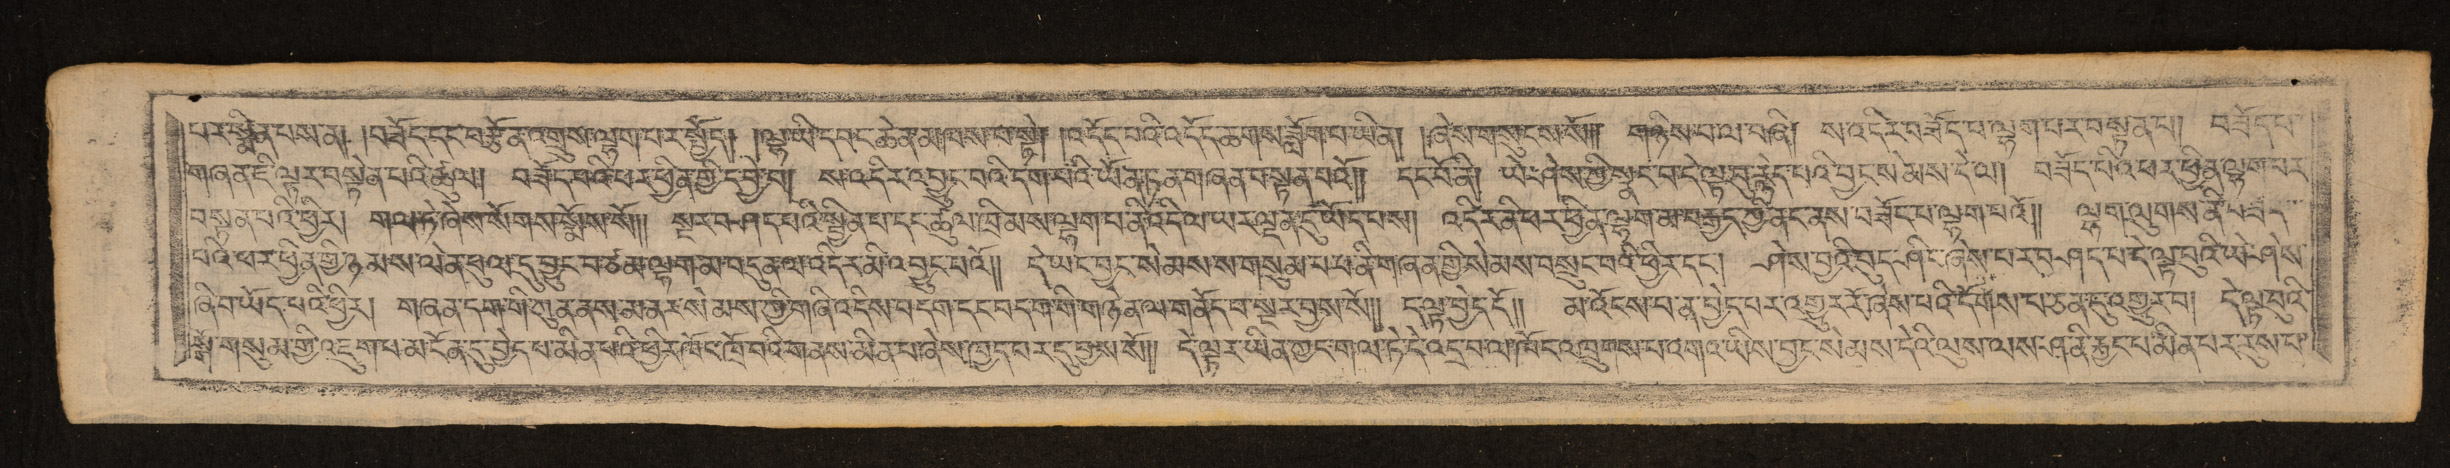པར་སྨིན་པས་ན། །བཟོད་དང་བརྩོན་འགྲུས་ལྷག་པར་སྤྱོད། །ལྷ་ཡི་དབང་ཆེན་མཁས་པ་སྟེ། །འདོད་པའི་འདོད་ཆགས་ཟློག་པ་ཡིན། །ཞེས་གསུངས་སོ།། གཉིས་པ་ལ་བཞི། ས་འདིར་བཟོད་པ་ལྷག་པར་བསྟན་པ། བཟོད་པ་
གཞན་ཇི་ལྟར་བསྟེན་པའི་ཚུལ། བཟོད་པའི་ཕར་ཕྱིན་གྱི་དབྱེ་བ། ས་འདིར་འབྱུང་བའི་དག་པའི་ཡོན་ཏན་གཞན་བསྟན་པའོ།། དང་པོ་ནི། ཡེ་ཤེས་ཀྱི་སྣང་བ་དེ་ལྟ་བུ་རྙེད་པའི་བྱང་སེམས་དེ་ལ། བཟོད་པའི་ཕར་ཕྱིན་ལྷག་པར་
བསྟན་པའི་ཕྱིར། གལ་ཏེ་ཞེས་སོགས་སྨོས་སོ།། སྔར་བཤད་པའི་སྦྱིན་པ་དང་ཚུལ་ཁྲིམས་ལྷག་པ་ནི་འདི་ལ་ཡར་ལྡན་དུ་ཡོད་པས། འདིར་ནི་ཕར་ཕྱིན་ལྷག་མ་བརྒྱད་ཀྱི་ནང་ནས་བཟོད་པ་ལྷག་པའོ།། ལྷག་ལུགས་ནི་བཟོད་
པའི་ཕར་ཕྱིན་གྱི་ཉམས་ལེན་ཕུལ་དུ་བྱུང་བ་ཙམ་ལྷག་མ་བདུན་ལ་འདིར་མི་འབྱུང་བའོ།། དེ་ཡང་བྱང་སེམས་ས་གསུམ་པ་བ་ནི་གཞན་གྱི་སེམས་བསྲུང་བའི་ཕྱིར་དང་། ཤེས་བྱའི་བུད་ཤིང་ཞེས་པར་བཤད་པ་དེ་ལྟ་བུའི་ཡེ་ཤེས་
ཞི་བ་ཡོད་པའི་ཕྱིར། གཞན་དག་གི་ཀུན་ནས་མནར་སེམས་ཀྱི་གཞི་འདིས་བདག་དང་བདག་གི་གཉེན་ལ་གནོད་པ་སྔར་བྱས་སོ།། དེ་ལྟ་བྱེད་དོ།། མ་འོངས་པ་ན་བྱེད་པར་འགྱུར་རོ་ཞེས་པའི་དོགས་པ་ཅན་དུ་འགྱུར་བ། དེ་ལྟ་བུའི་
སྒོ་གསུམ་གྱི་འཇུག་པ་མངོན་དུ་བྱེད་པ་མིན་པའི་ཕྱིར་ཁོང་ཁྲོ་བའི་གནས་མིན་པ་ཞེས་ཁྱད་པར་དུ་བྱས་སོ།། དེ་ལྟར་ཡིན་ཀྱང་གལ་ཏེ་དེ་འདྲ་བ་ལ་ཁོང་འཁྲུགས་པ་འགའ་ཡིས་བྱང་སེམས་དེའི་ལུས་ལས་ཤ་ནི་རྐྱང་པ་མིན་པར་རུས་པ་